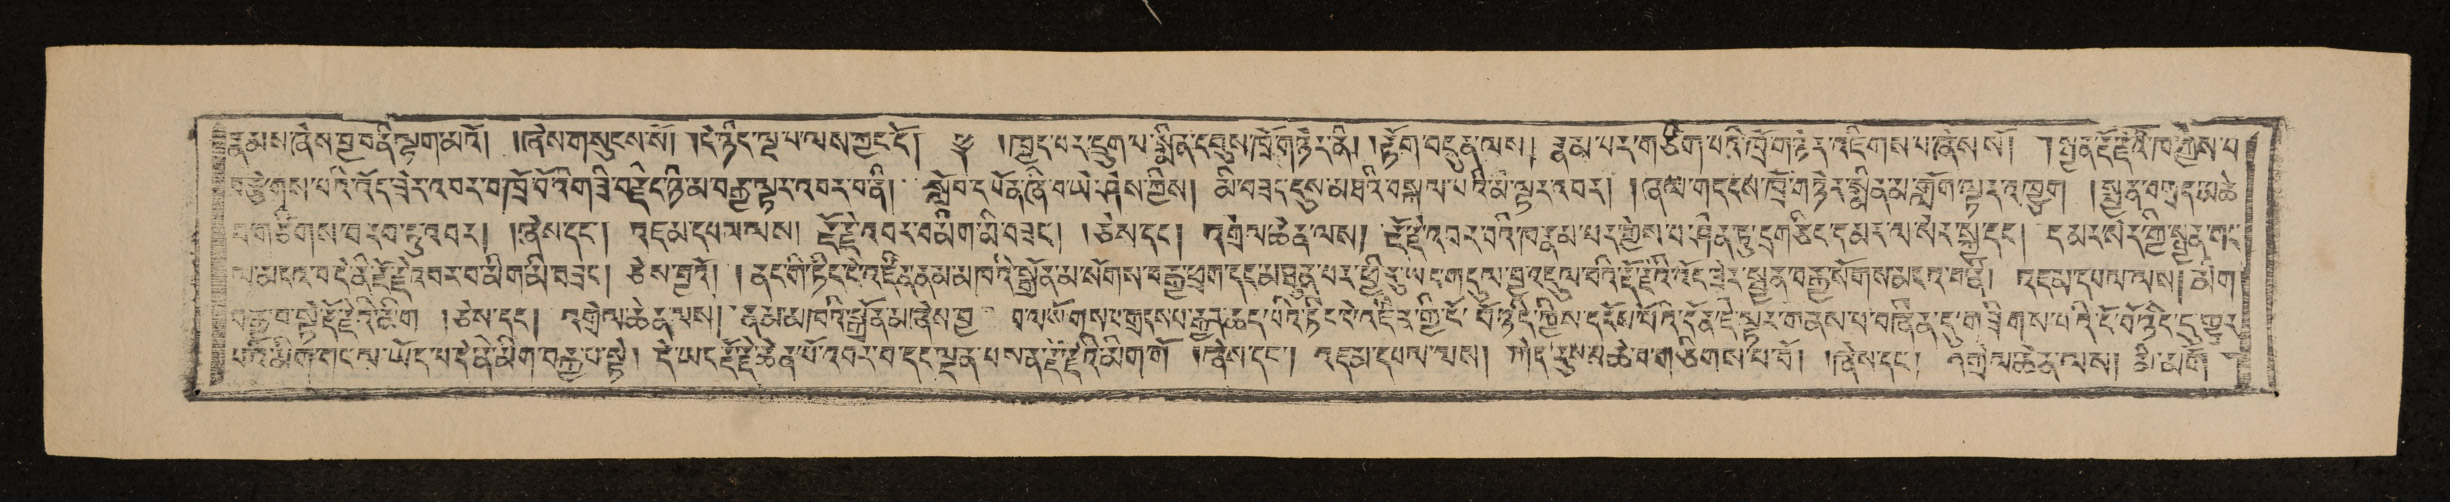རྣམས་ཞེས་བྱ་བ་ནི་ལྷག་མའོ། །ཞེས་གསུངས་སོ། །དེ་ཉིད་ལྔ་པ་ལས་ཀྱང་ངོ། ༈ །ཁྱད་པར་དྲུག་པ་སྨིན་དབུས་ཁྲོ་གཉེར་ནི། རྟོག་བདུན་ལས། རྣམ་པར་གཅིག་པའི་ཁྲོ་གཉེར་འཇིགས་པ་ཞེས་སོ། །སྤྱན་རྡོ་རྗེའི་ཁ་གྱེས་པ་
བརྩེགས་པའི་འོད་ཟེར་འབར་བ་ཁྲོ་བོའི་གཟི་བརྗིད་ཉི་མ་བརྒྱ་ལྟར་འབར་བ་ནི། སློབ་དཔོན་ཞི་བ་ཡེ་ཤེས་ཀྱིས། མི་བཟད་དུས་མཐའི་བསྐལ་པའི་མེ་ལྟར་འབར། །ཞལ་གདངས་ཁྲོ་གཉེར་སྨིན་མ་གློག་ལྟར་འཁྱུག །སྤྱན་བགྲང་མཆེ་
བ་གཙིགས་པ་རབ་ཏུ་འབར། །ཞེས་དང་། འཇམ་དཔལ་ལས། རྡོ་རྗེ་འབར་བ་མིག་མི་བཟད། །ཅེས་དང་། འགྲེལ་ཆེན་ལས། རྡོ་རྗེ་འབར་བའི་ཁ་རྣམ་པར་གྱེས་པ་ཤིན་ཏུ་དྲག་ཅིང་དམར་ལ་སེར་སྐྱ་དང་། དམར་སེར་གྱི་སྤྱན་གང་
ལ་མངའ་བ་དེ་ནི་རྡོ་རྗེ་འབར་བ་མིག་མི་བཟད། ཅེས་བྱའོ། །ནང་གི་ཏིང་ངེ་འཛིན་ནམ་མཁའི་སྒྲོན་མ་སོགས་བརྒྱ་ཕྲག་དང་མཐུན་པར་ཕྱི་རུ་ཡང་གདུལ་བྱ་འདུལ་བའི་རྡོ་རྗེའི་འོད་ཟེར་སྤྱན་བརྒྱ་སོགས་མངའ་བ་ནི། འཇམ་དཔལ་ལས། མིག་
བརྒྱ་པ་སྟེ་རྡོ་རྗེའི་མིག །ཅེས་དང་། འགྲེལ་ཆེན་ལས། ནམ་མཁའི་སྒྲོན་མ་ཞེས་བྱ་བ་ལ་སོགས་པ་གྲངས་བརྒྱར་ཆད་པའི་ཏིང་ངེ་འཛིན་གྱི་ངོ་བོ་ཉིད་ཀྱིས་དངོས་པོའི་དོན་ཇི་ལྟར་གནས་པ་བཞིན་དུ་གཟིགས་པའི་ངོ་བོ་ཉིད་དུ་གྱུར་
པའི་མིག་གང་ལ་ཡོད་པ་དེ་ནི་མིག་བརྒྱ་པ་སྟེ། དེ་ཡང་རྡོ་རྗེ་ཆེན་པོ་འབར་བ་དང་ལྡན་པས་ན་རྡོ་རྗེའི་མིག་གོ །ཞེས་དང་། འཇམ་དཔལ་ལས། ཀེང་རུས་མཆེ་བ་གཙིགས་པ་པོ། །ཞེས་དང་། འགྲེལ་ཆེན་ལས། མི་མགོ་